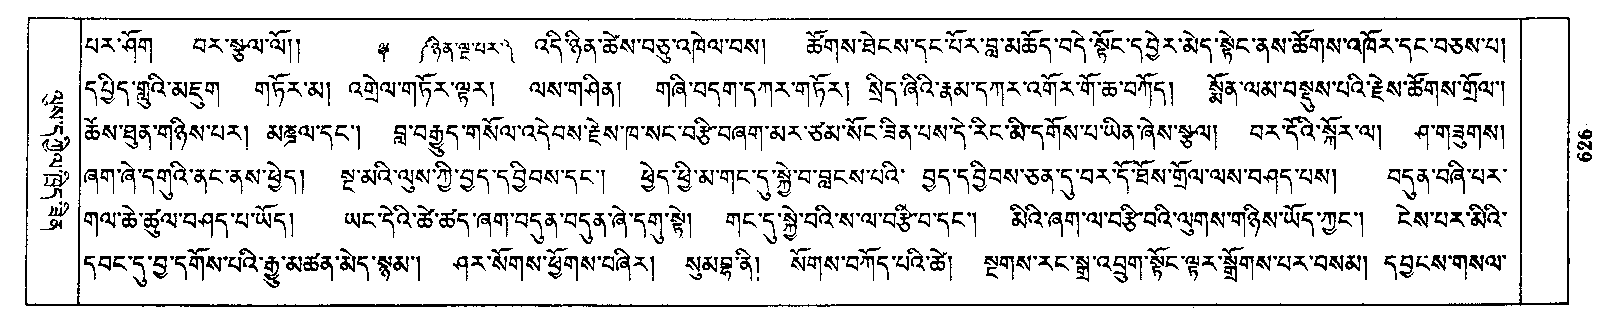པར་ཤོག་བར་སྩལ་ལོ།། ༈ ཉིན་ལྔ་པར྄་འདི་ཉིན་ཚེས་བཅུ་འཁེལ་བས། ཚོགས་ཐེངས་དང་པོར་བླ་མཆོད་བདེ་སྟོང་དབྱེར་མེད་སྟེང་ནས་ཚོགས་འཁོར་དང་བཅས་པ།
དཔྱིད་གླུའི་མཇུག་གཏོར་མ། འགྲེལ་གཏོར་ལྟར། ལས་གཤིན། གཞི་བདག་དཀར་གཏོར། སྲིད་ཞིའི་རྣམ་དཀར་འགོར་གོ་ཆ་བཀོད། སྨོན་ལམ་བསྡུས་པའི་རྗེས་ཚོགས་གྲོལ།
ཆོས་ཐུན་གཉིས་པར། མཎྜལ་དང་། བླ་བརྒྱུད་གསོལ་འདེབས་རྗེས་ཁ་སང་བརྩི་བཞག་མར་ཙམ་སོང་ཟིན་པས་དེ་རིང་མི་དགོས་པ་ཡིན་ཞེས་སྩལ། བར་དོའི་སྐོར་ལ། ཤ་གཟུགས།
ཞག་ཞེ་དགུའི་ནང་ནས་ཕྱེད། སྔ་མའི་ལུས་ཀྱི་བྱད་དབྱིབས་དང་། ཕྱེད་ཕྱི་མ་གང་དུ་སྐྱེ་བ་བླངས་པའི་བྱད་དབྱིབས་ཅན་དུ་བར་དོ་ཐོས་གྲོལ་ལས་བཤད་པས། བདུན་བཞི་པར་
གལ་ཆེ་ཚུལ་བཤད་པ་ཡོད། ཡང་དེའི་ཚེ་ཚད་ཞག་བདུན་བདུན་ཞེ་དགུ་སྟེ། གང་དུ་སྐྱེ་བའི་ས་ལ་བརྩི་བ་དང་། མིའི་ཞག་ལ་བརྩི་བའི་ལུགས་གཉིས་ཡོད་ཀྱང་། ངེས་པར་མིའི་
དབང་དུ་བྱ་དགོས་པའི་རྒྱུ་མཚན་མེད་སྙམ། ཤར་སོགས་ཕྱོགས་བཞིར། སུམྦྷ་ནི། སོགས་བཀོད་པའི་ཚེ། སྔགས་རང་སྒྲ་འབྲུག་སྟོང་ལྟར་སྒྲོགས་པར་བསམ། དབྱངས་གསལ་